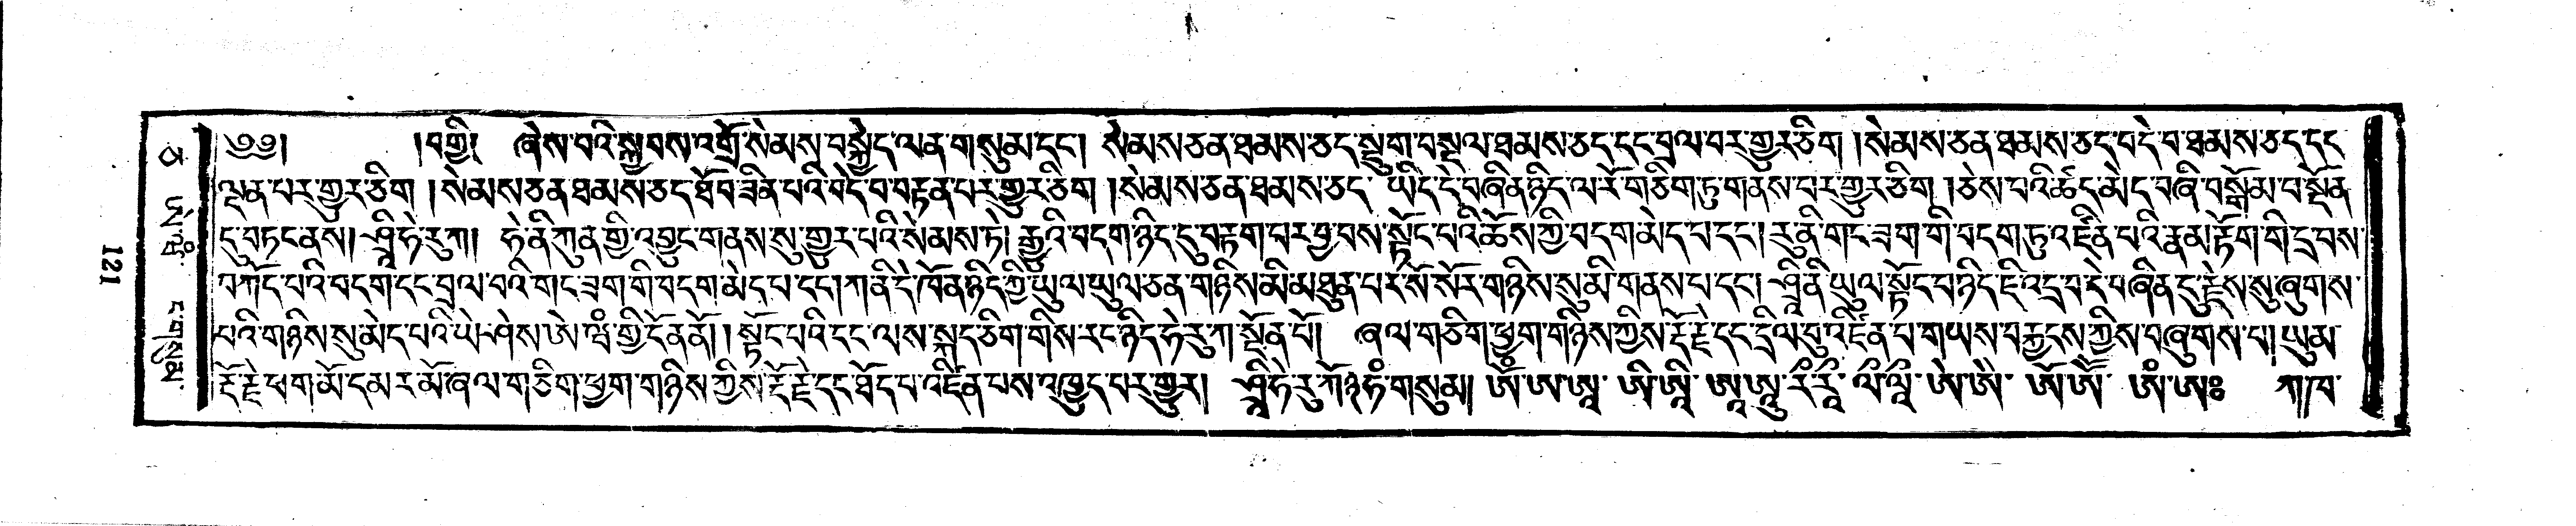༄༅། །བགྱི་།ཞེས་པའི་སྐྱབས་འགྲོ་སེམས་བསྐྱེད་ལན་གསུམ་དང་། སེམས་ཅན་ཐམས་ཅད་སྡུག་བསྔལ་ཐམས་ཅད་དང་བྲལ་བར་གྱུར་ཅིག །སེམས་ཅན་ཐམས་ཅད་བདེ་བ་ཐམས་ཅད་དང་
ལྡན་པར་གྱུར་ཅིག །སེམས་ཅན་ཐམས་ཅད་ཐོབ་ཟིན་པའི་བདེ་བ་བརྟན་པར་གྱུར་ཅིག །སེམས་ཅན་ཐམས་ཅད་ཡིད་དེ་བཞིན་ཉིད་ལ་རོ་གཅིག་ཏུ་གནས་པར་གྱུར་ཅིག །ཅེས་པའི་ཚད་མེད་བཞི་བསྒོམ་པ་སྔོན་
དུ་བཏང་ནས། ཤྲཱི་ཧེ་རུ་ཀ། ཧེ་ནི་ཀུན་གྱི་འབྱུང་གནས་སུ་གྱུར་པའི་སེམས་ཏེ། རྒྱུའི་བདག་ཉིད་དུ་བརྟག་པར་བྱ་བས་སྟོང་པའི་ཆོས་ཀྱི་བདག་མེད་པ་དང་། རུ་ནི་གང་ཟག་གི་བདག་ཏུ་འཛིན་པའི་རྣམ་རྟོག་གི་དྲ་བས་
བཀོད་པའི་བདག་དང་བྲལ་བའི་གང་ཟག་གི་བདག་མེད་པ་དང་། ཀ་ནི་དེ་ཁོ་ན་ཉིད་ཀྱི་ཡུལ་ཡུལ་ཅན་གཉིས་མི་མཐུན་པར་སོ་སོར་གཉིས་སུ་མི་གནས་པ་དང་། ཤྲཱི་ནི་ཡུལ་སྟོང་པ་ཉིད་ཇི་འདྲ་བ་དེ་བཞིན་དུ་རྗེས་སུ་ཞུགས་
པའི་གཉིས་སུ་མེད་པའི་ཡེ་ཤེས་ཨེ་ཝཾ་གྱི་དོན་ནོ། །སྟོང་པའི་ངང་ལས་སྐད་ཅིག་གིས་རང་ཉིད་ཧེ་རུ་ཀ་སྔོན་པོ། ཞལ་གཅིག་ཕྱག་གཉིས་ཀྱིས་རྡོ་རྗེ་དང་དྲིལ་བུ་འཛིན་པ་གཡས་བརྐྱངས་ཀྱིས་བཞུགས་པ། ཡུམ་
རྡོ་རྗེ་ཕག་མོ་དམར་མོ་ཞལ་གཅིག་ཕྱག་གཉིས་ཀྱིས་རྡོ་རྗེ་དང་ཐོད་པ་འཛིན་པས་འཁྱུད་པར་གྱུར། ཤྲཱི་ཧེ་རུ་ཀོཉཧཾ་གསུམ། ཨོཾ་ཨ་ཨཱ། ཨི་ཨཱི། ཨཱ་ཨཱུ་རྀ་རཱྀ་ལྀ་ལཱྀ་ཨེ་ཨཻ་ཨོ་ཨཽ་ཨཾ་ཨཿ ཀ་ཁ་